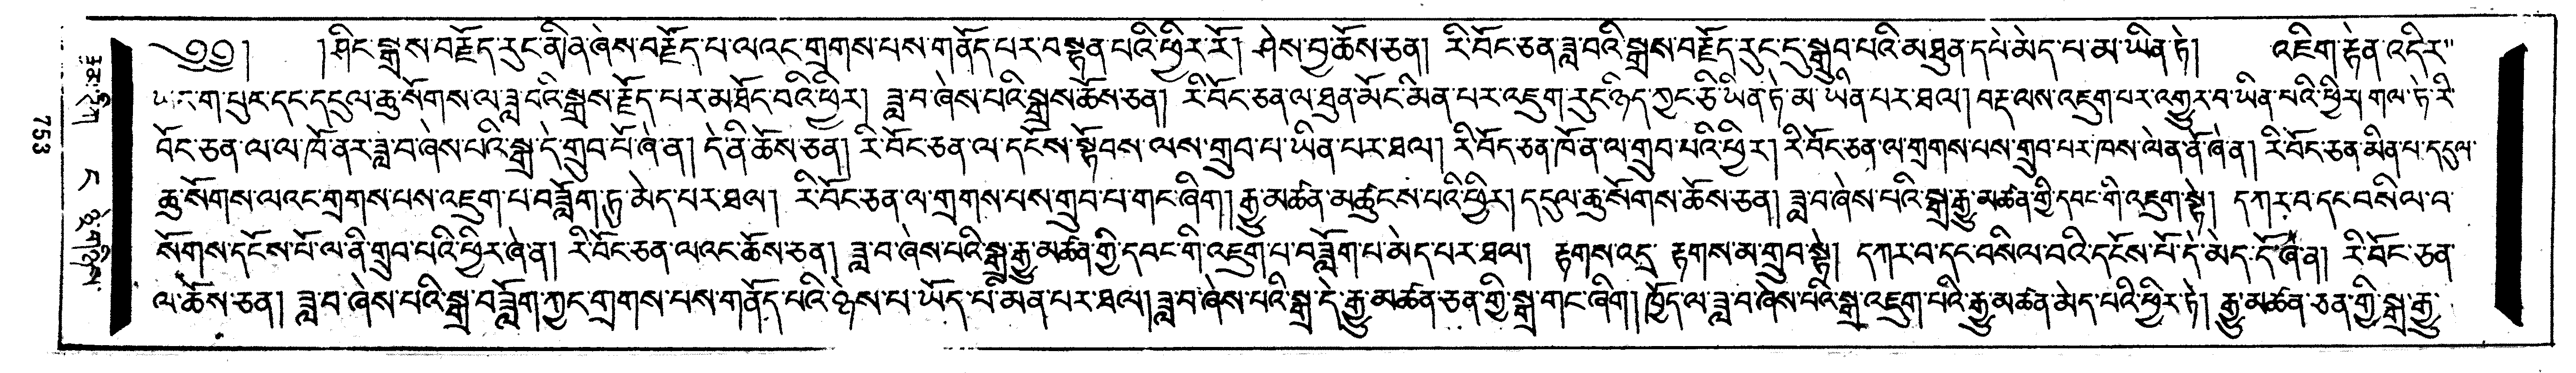༄༅། །ཤིང་སྒྲས་བརྗོད་རུང་མིན་ཞེས་བརྗོད་པ་ལའང་གྲགས་པས་གནོད་པར་བསྟན་པའི་ཕྱིར་རོ། ཤེས་བྱ་ཆོས་ཅན། རི་བོང་ཅན་ཟླ་བའི་སྒྲས་བརྗོད་རུང་དུ་སྒྲུབ་པའི་མཐུན་དཔེ་མེད་པ་མ་ཡིན་ཏེ། འཇིག་རྟེན་འདིར་
ཡང་ག་པུར་དང་དངུལ་ཆུ་སོགས་ལ་ཟླ་བའི་སྒྲས་རྗོད་པར་མཐོང་བའི་ཕྱིར། ཟླ་བ་ཞེས་པའི་སྒྲས་ཆོས་ཅན། རི་བོང་ཅན་ལ་ཐུན་མོང་མིན་པར་འཇུག་རུང་ཉིད་ཀྱང་ཅི་ཡིན་ཏེ་མ་ཡིན་པར་ཐལ། བརྡ་ལས་འཇུག་པར་འགྱུར་བ་ཡིན་པའི་ཕྱིར། གལ་ཏེ་རི་
བོང་ཅན་ལ་ལ་ཁོ་ནར་ཟླ་བ་ཞེས་པའི་སྒྲ་དེ་གྲུབ་པོ་ཞེ་ན། དེ་ནི་ཆོས་ཅན། རི་བོང་ཅན་ལ་དངོས་སྟོབས་ལས་གྲུབ་པ་ཡིན་པར་ཐལ། རི་བོང་ཅན་ཁོ་ན་ལ་གྲུབ་པའི་ཕྱིར། རི་བོང་ཅན་ལ་གྲགས་པས་གྲུབ་པར་ཁས་ལེན་ནོ་ཞེ་ན། རི་བོང་ཅན་མིན་པ་དངུལ་
ཆུ་སོགས་ལའང་གྲགས་པས་འཇུག་པ་བཟློག་ཏུ་མེད་པར་ཐལ། རི་བོང་ཅན་ལ་གྲགས་པས་གྲུབ་པ་གང་ཞིག། རྒྱུ་མཚན་མཚུངས་པའི་ཕྱིར། དངུལ་ཆུ་སོགས་ཆོས་ཅན། ཟླ་བ་ཞེས་པའི་སྒྲ་རྒྱུ་མཚན་གྱི་དབང་གི་འཇུག་སྟེ། དཀར་བ་དང་བསིལ་བ་
སོགས་དངོས་པོ་ལ་ནི་གྲུབ་པའི་ཕྱིར་ཞེ་ན། རི་བོང་ཅན་ལའང་ཆོས་ཅན། ཟླ་བ་ཞེས་པའི་སྒྲ་རྒྱུ་མཚན་གྱི་དབང་གི་འཇུག་པ་བཟློག་པ་མེད་པར་ཐལ། རྟགས་འདྲ་རྟགས་མ་གྲུབ་སྟེ། དཀར་བ་དང་བསིལ་བའི་དངོས་པོ་དེ་མེད་དོ་ཞེ་ན། རི་བོང་ཅན་
ལ་ཆོས་ཅན། ཟླ་བ་ཞེས་པའི་སྒྲ་བཟློག་ཀྱང་གྲགས་པས་གནོད་པའི་ཉེས་པ་ཡོད་པ་མིན་པར་ཐལ། ཟླ་བ་ཞེས་པའི་སྒྲ་དེ་རྒྱུ་མཚན་ཅན་གྱི་སྒྲ་གང་ཞིག། ཁྱོད་ལ་ཟླ་བ་ཞེས་པའི་སྒྲ་འཇུག་པའི་རྒྱུ་མཚན་མེད་པའི་ཕྱིར་ཏེ། རྒྱུ་མཚན་ཅན་གྱི་སྒྲ་རྒྱུ་